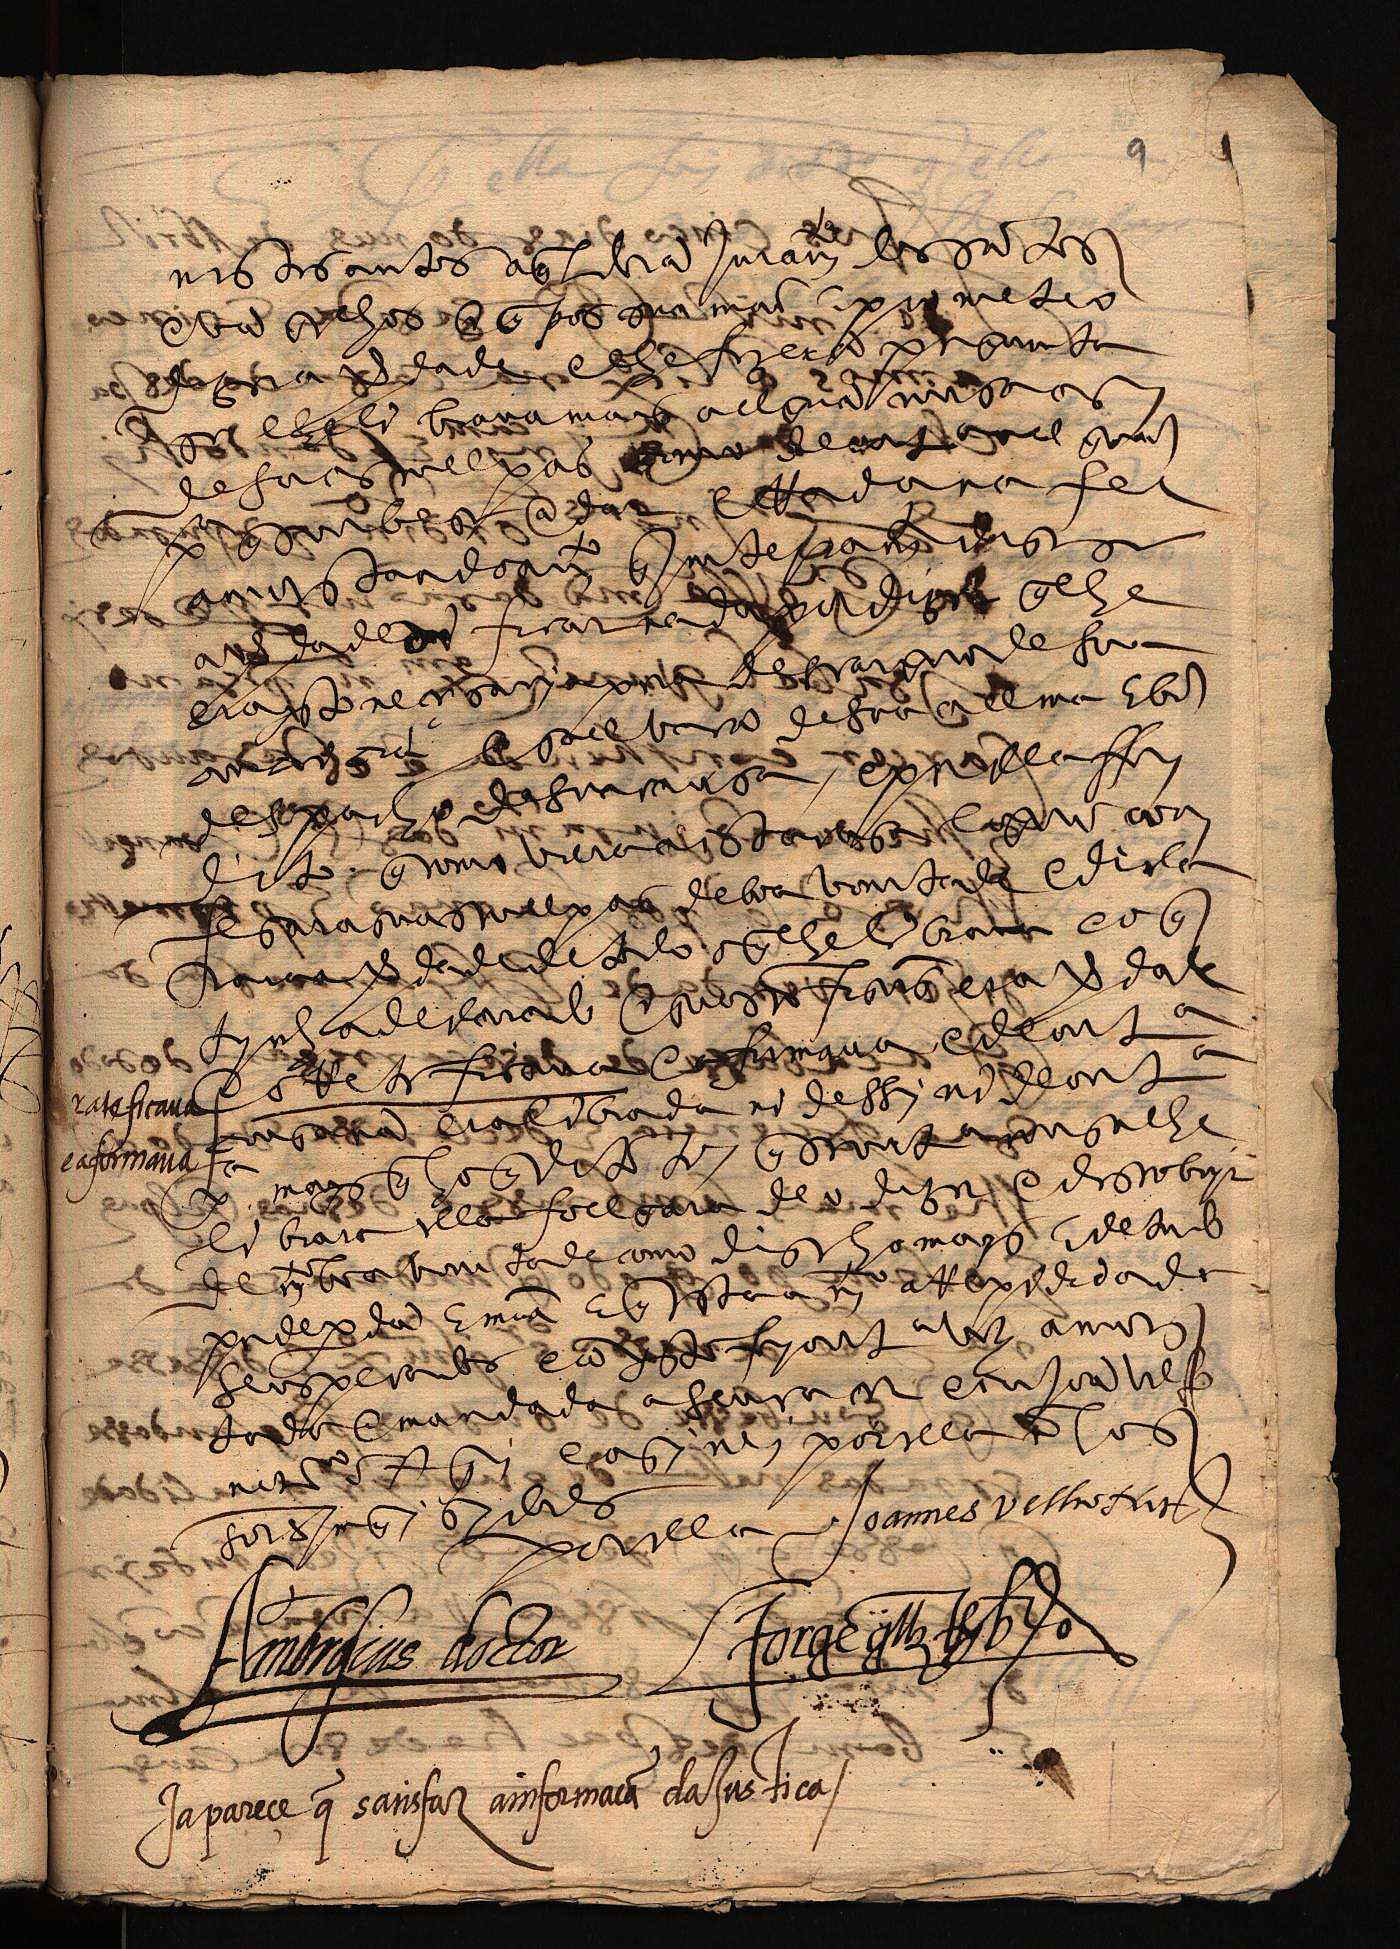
rateficaua
e afirmaua
nestes autos a q̄l derā Juramto dos sātos
evāgelhos ē q̄ pos sua maõ e prometeo
diser ꝟdade e lhe fizerā pregunta
se lhe lēbraua mais allguā cousa asj
de suas cullpas como de outa allguā
pa q̄ soubese ādar eRada na fee
amoestandoa mto q̄ Jmtejramte disese
a ꝟdade sē ficar nada por diser q̄ lhe
era ysto neçesaryo pera descarguo de sua
conciēsia e salvacā de sua allma E bō
despacho de sua causa / e por ella ffoy
dito q̄ como viera a esta mesa loguo com
fesara suas cullpas de boa vomtade e decla
rara a ꝟdade de todo o q̄ lhe lēbraua e o q̄
tjnha declarado ē suas cōfisoẽs era ꝟdade
e o Reteficaua e afirmaua e de outa
cousa nā era lēbrada nē de ssy nē de outa
pa mays q̄ ho q̄ dito tē / q̄ se outa cousa lhe
lēbrara ella follgara de o dizer e descobryr
de mto boa vomtade como dise ho mays E de tudo
pede ꝑdā E miā E q̄ estaa mto aRepēdida de
seos pecados e cō ysto foy outa vez amoes
tada e mandada a seu cacer e eu Joā velho
notro o stp̄vi e asjnej por ella cō os
sōrs Jmqjsjdores
por ella
Ja pareçe q̄ satisfaz a informacā da Justica /
